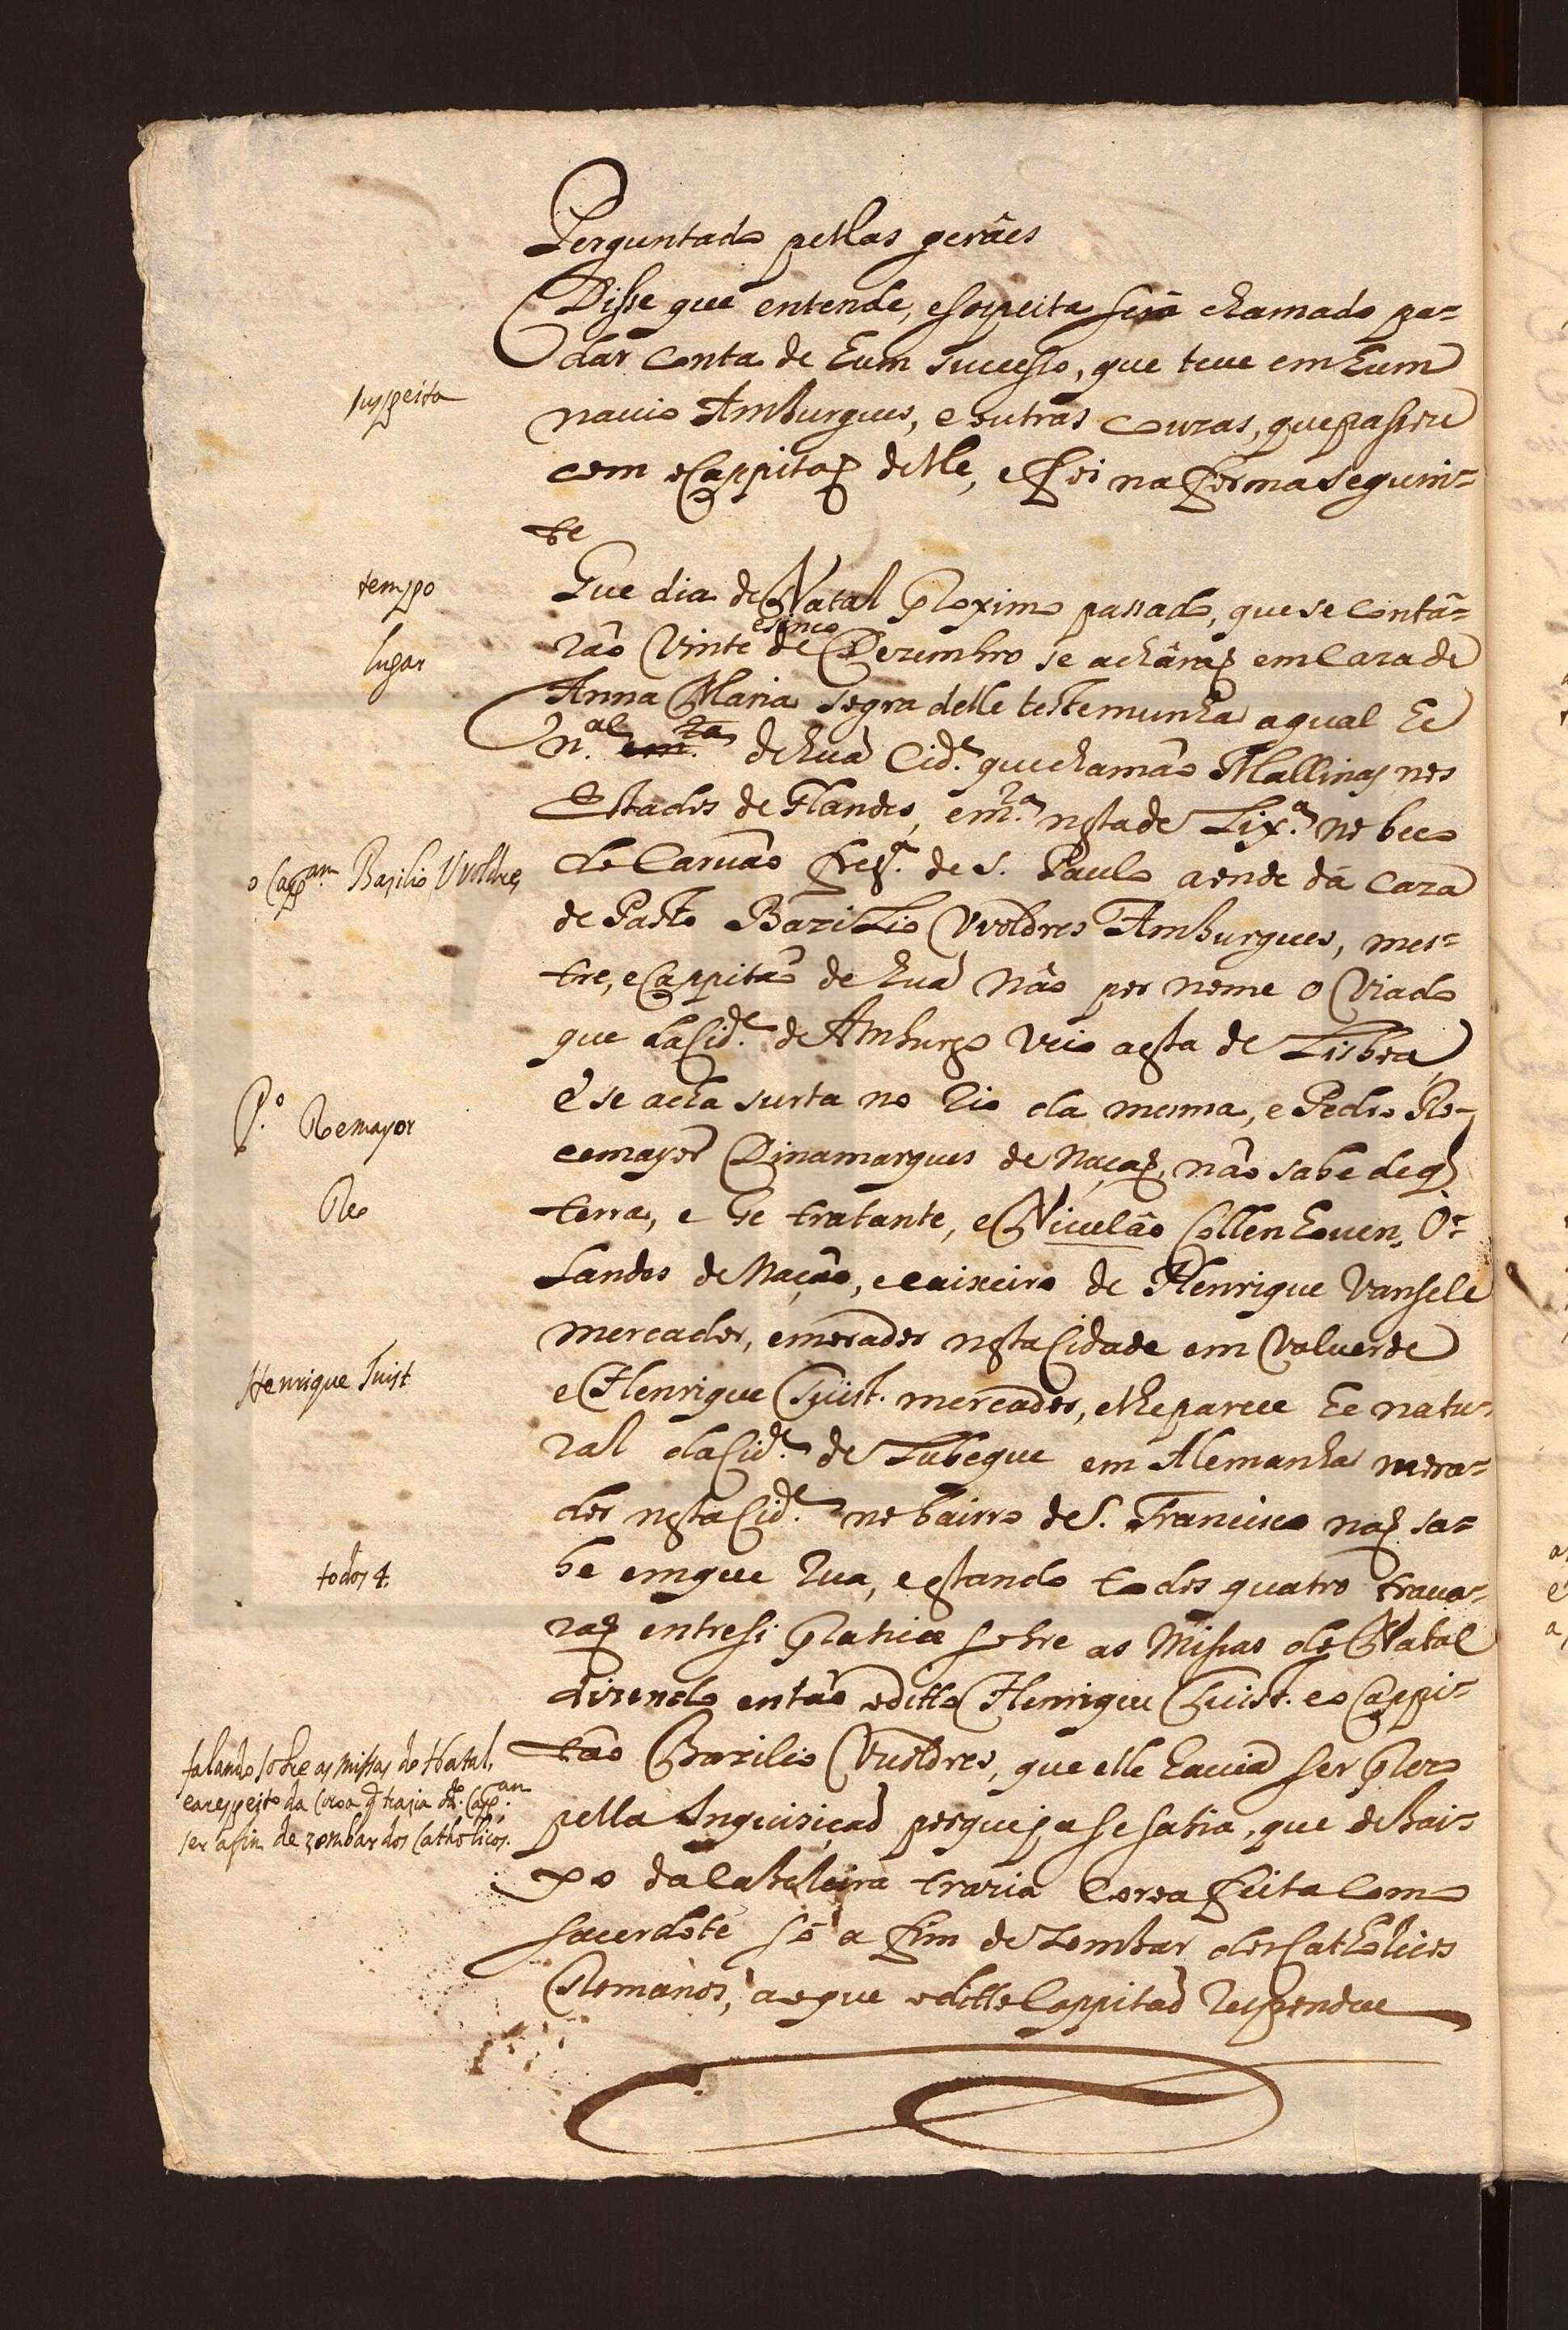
suspeita
tempo
lugar
o Cap̄am. Basilio Vvoldres
P.o Rocmayor
Reo
Henrique Tuist
todos 4.
falando sobre as missas do Natal,
e a respeito da Coroa q̄ trasia o d̄o. Cap̄.am
ser afim de zombar dos Catholicos.
Perguntado pellas gerâes
Disse que entende, e sospeita será chamado pa
dar conta de hum successo, que teue em hum
nauio Amburgues, e outras couzas, que passou
com o Cappitaõ delle, e foi na forma seguin
te
Que dia de Natal proximo passado, que se conta
raõ vinte
e sinco
de Dezembro se achâraõ em caza de
Anna Maria sogra delle testemunha a qual he
n.al _ de huā Cid.e que chamão Mallinas nos
Estados de Flandes, e m.ra nesta de Lix.a no beco
do Caruão freg.a de S. Paulo aonde dá caza
de Pasto Bazilio Vvoldres Amburgues, mes
tre, e Cappitaõ de huā nâo por nome o Viado
que da Cid.e de Amburgo veio a esta de Lisboa,
e se acha surta no Rio da mesma, e Pedro Ro
camayor Dinamarques de naçaõ, não sabe de q̄
terra, e he tratante, e Niculâo Collenhouen, O
landes de nação, e caixeiro de Henrique Vansele
mercador, e morador nesta Cidade em Valuerde
e Henrique Tuist. mercador, e lhe parece he natu
ral da Cid.e de Lubeque em Alemanha mora
dor nesta Cid.e no bairro de S. Francisco naõ sa
be em que Rua, e estando todos quatro traua
raõ entre si pratica sobre as missas do Natal
dizendo então o ditto Henrique Tuist. e o Cappi
tão Bazilio Vuoldres, que elle hauia ser prezo
pella Inquisiçaõ porque ja se sabia, que debai
xo da cabeleira trazia coroa feita como
sacerdote só a fim de zombar dos Catholicos
Romanos, ao que o ditto Cappitaõ Respondeu
